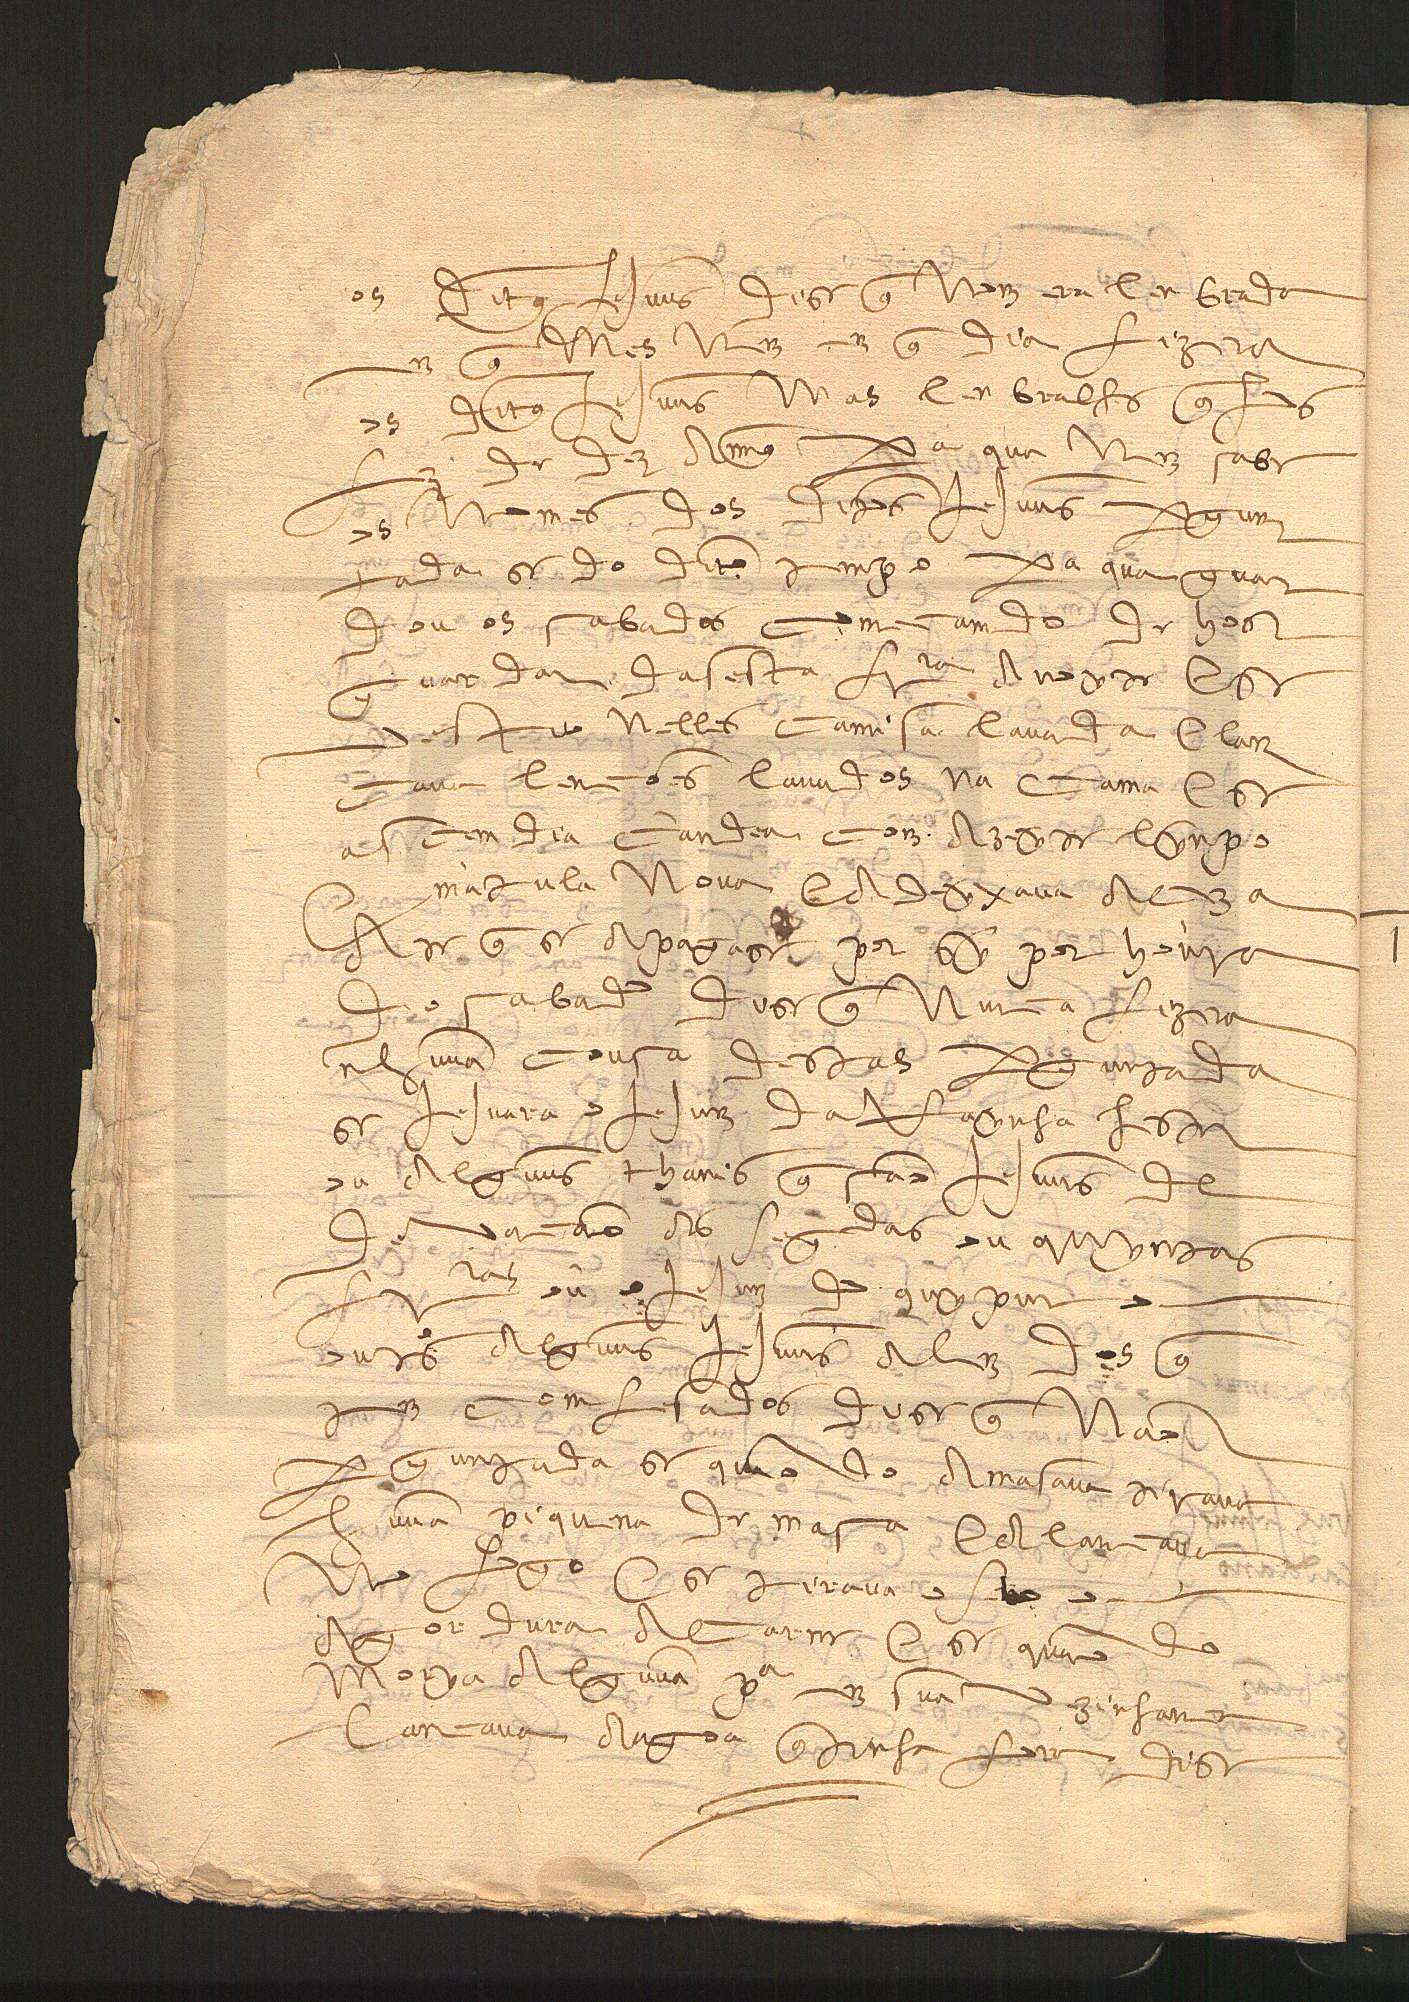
os ditꝯ JeJūus dise q̄ nom era lembrada
em q̄ Mes Nem em q̄ dia fizera
os dit̄ꝯ JeJūus Mas lembralhes q̄ hos
fez de dez Ann̄ꝯ ꝑa qua Nem sabe
os nomes dos dit̄os Jejūus ꝑgum
tada se do dīto tempo ꝑa qua guar
dou os sabados comecamdo de hos
guardar da sesta frra A noyte E se
Vestio nelles camisa lauada E lan
caua lencōes lauados na cama E se
asçemdia Candea Com Azeyte lynpo
e matula Noua e A deyxaua Açeza
Ate q̅ se Apagase por sy por honra
do sabado dise q̄ Nunca fizera
nhūua cousa destas ꝑguntada
se JeJuara o JeJum da Raynha hester
ou Algūus thanis q̄ são JeJūus de
devoçaõ As seḡdas ou quyntas
frras ou o JeJum do quypur ou
outso Alguūs JeJūus Alem dos q̄
tem comfesados dise q̄ Naõ
ꝑguntada se quãodo Amasaua tiraua
huūa pequena de masa e A lancaua
No fogo e se tiraua o sebo ou
A gordura A Carne E se quãodo
Morya Alguūa pa en sua vezinhanca
lancaua A agoa q̄ tinha fora dise
